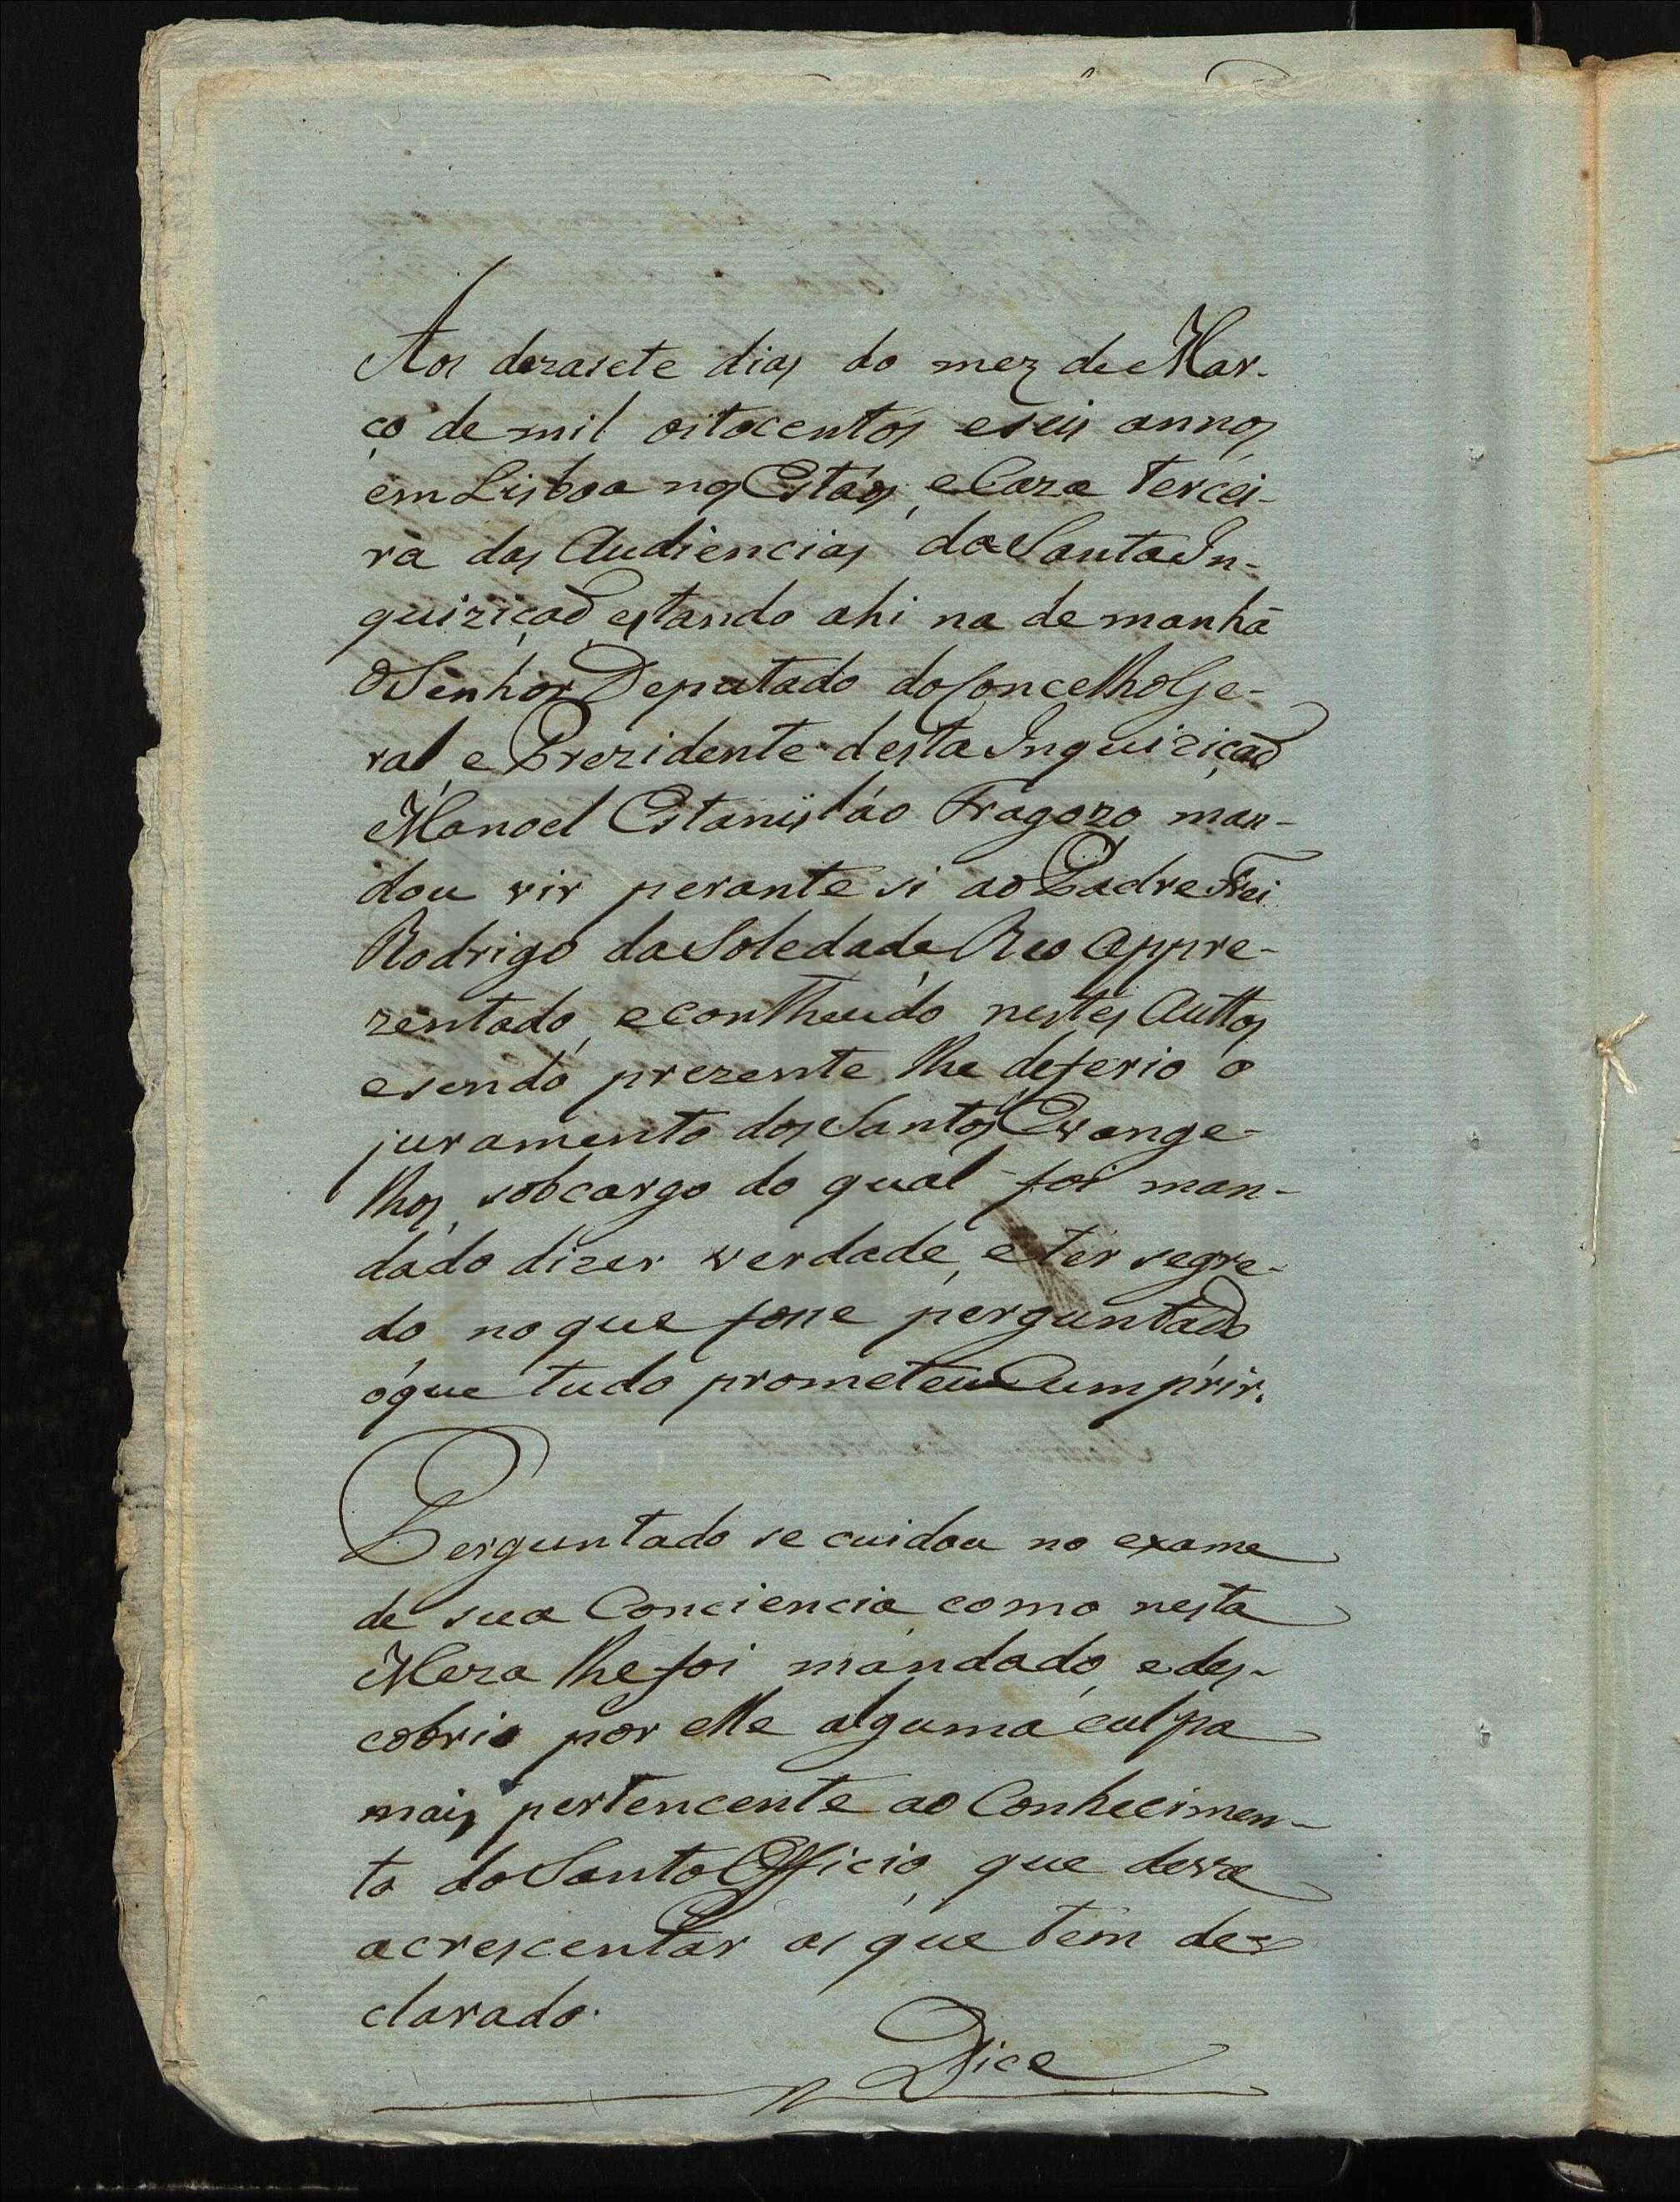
Aos dezasete dias do mez de Mar
ço de mil oitocentos e seis annos,
em Lisboa nos Estáos, e Caza tercei
ra das Audiencias da Santa In
quiziçaõ, estando ahi na de manhã
o Senhor Deputado do Concelho Ge
ral, e Prezidente desta Inquiziçaõ
Manoel Estanisláo Fragozo, man
dou vir perante si ao Padre Frei
Rodrigo da Soledade, Reo appre
zentado, e contheudo nestes Auttos
e sendo prezente lhe deferio o
juramento dos Santos Evange
lhos sob cargo do qual foi man
dado dizer verdade, e ter segre
do no que fosse perguntado
o que tudo prometeu Cumprir.
Perguntado se cuidou no exame
de sua conciencia, como nesta
Meza lhe foi mandado, e des
cobrio por elle alguma culpa
mais pertencente ao conhecimen
to do Santo Officio, que deva
acrescentar as que tem de
clarado.
Dice
